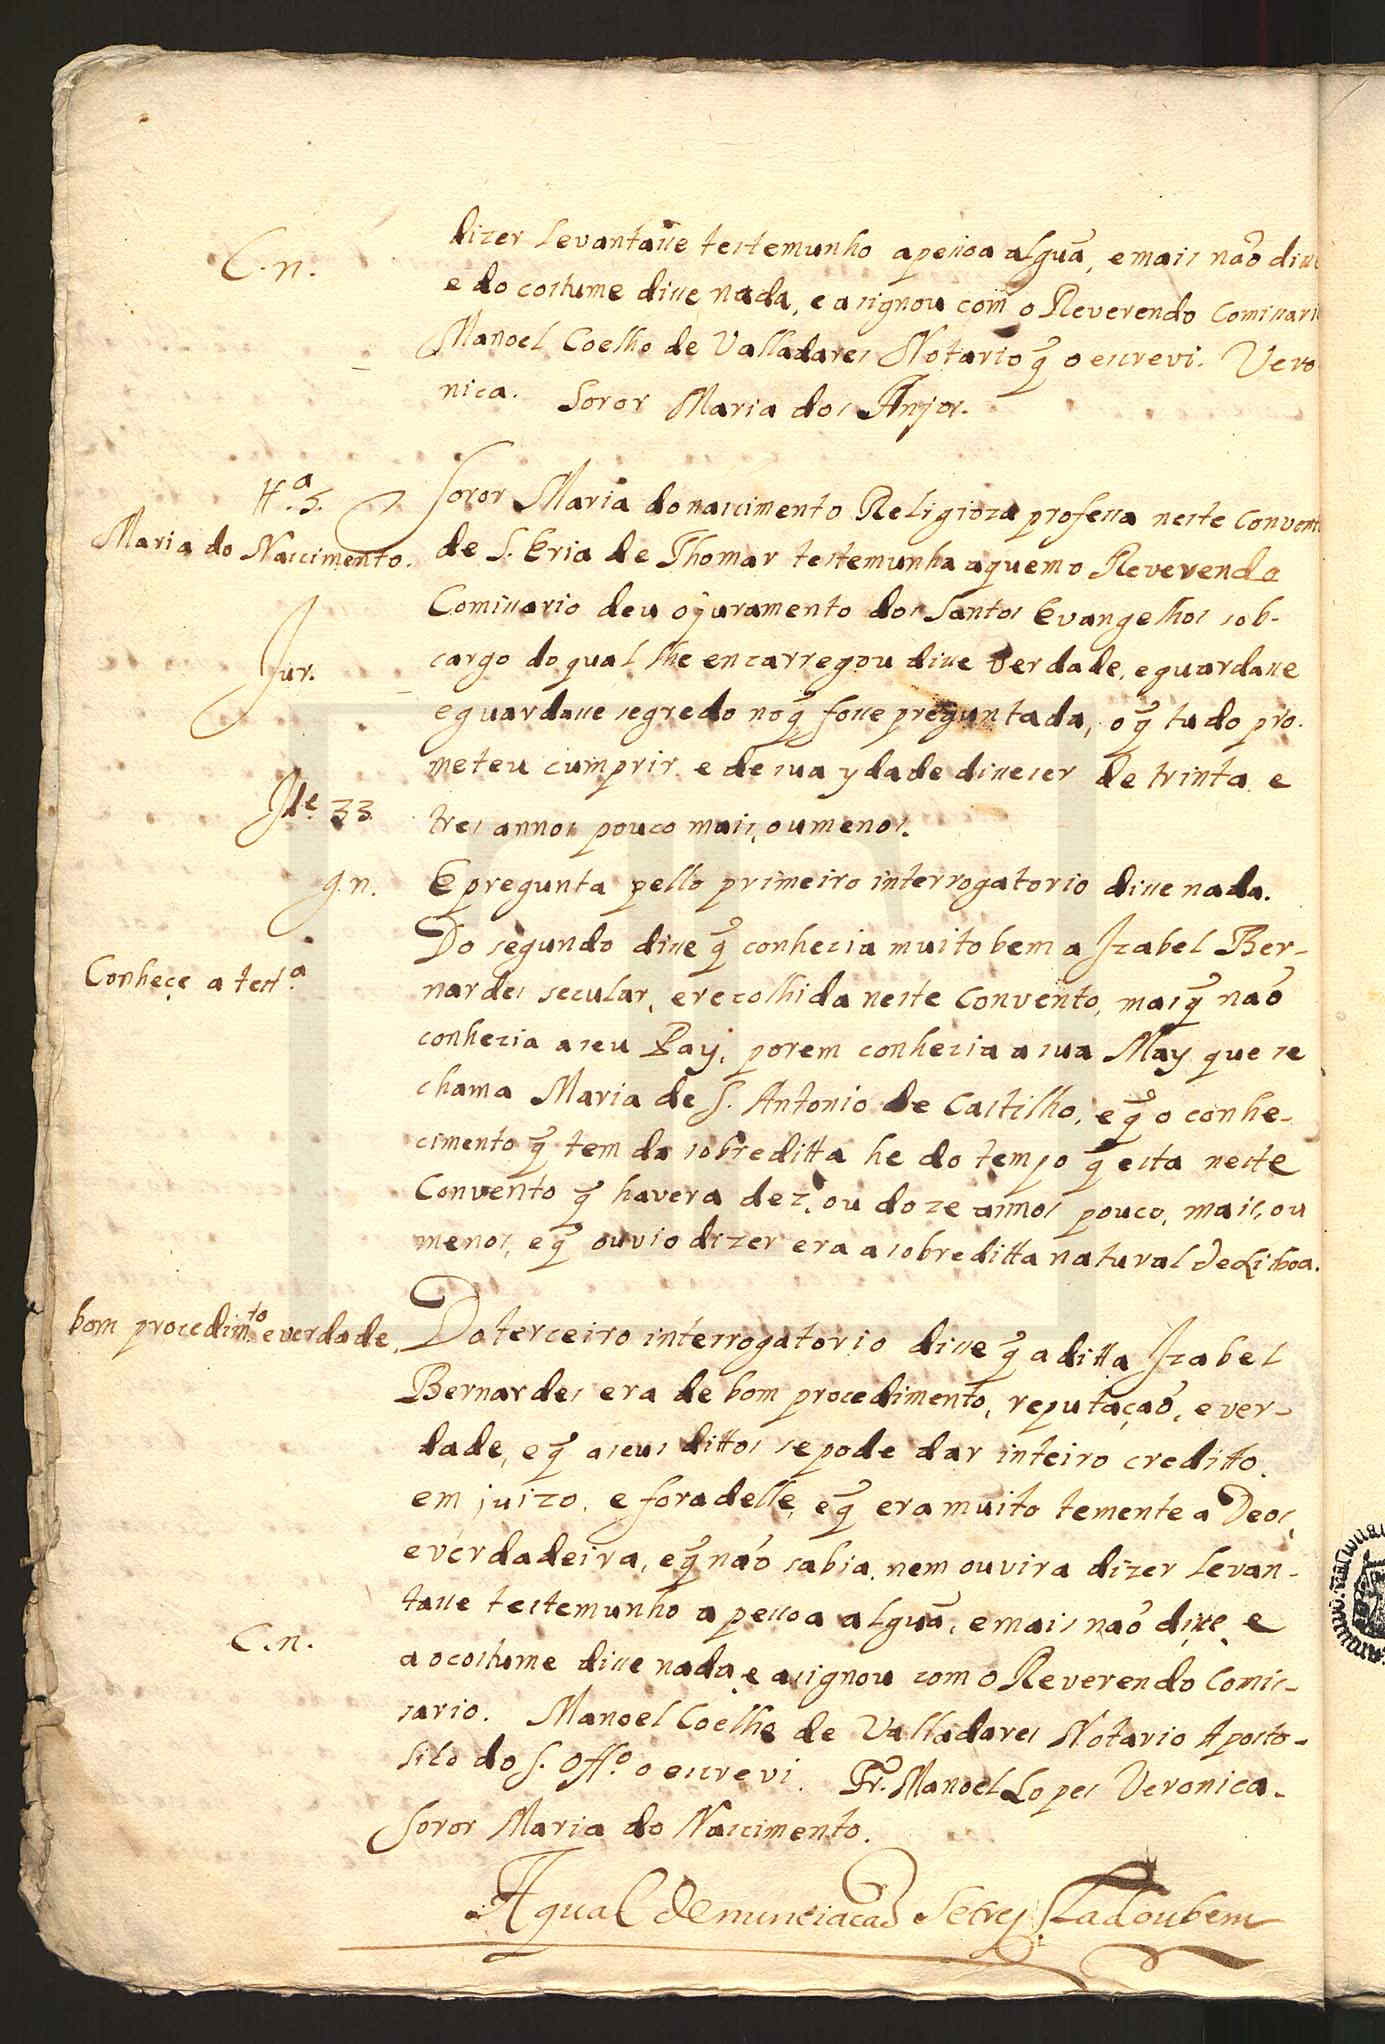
dizer levantasse testemunho a pessoa alguā, e mais naõ disse
C. n.
e do costume disse nada, e asignou com o Reverendo Comissario
Manoel Coelho de Valladares Notario q̄ o escrevi. Vero
nica. Soror Maria dos Anjos.
Soror Maria do nascimento Religioza professa neste convent
tta. 5.
Maria do Nascimento.
de S. Eria de Thomar testemunha a quem o Reverendo
Comissario deu o juramento dos Santos Evangelhos sob
cargo do qual lhe encarregou disse verdade, e guardasse
Jur.
e guardasse segredo no q̄ fosse preguntada, o q̄ todo pro
meteu cumprir e de sua ydade disse ser de trinta e
Jd.e 33
tres annos pouco mais, ou menos.
E pregunta pello primeiro interrogatorio disse nada.
g. n.
Do segundo disse q̄ conhecia muito bem a Jzabel Ber
Conhece a test.a
nardes secular, e recolhida neste convento, mas q̄ naõ
conhecia a seu Pay, porem conhecia a sua May que se
chama Maria de S. Antonio de Castilho, e q̄ o conhe
cimento q̄ tem da sobreditta he do tempo q̄ esta neste
convento q̄ havera dez ou doze annos pouco, mais, ou
menos, e q̄ ouvio dizer era a sobreditta natural de Lisboa.
bom procedim.to e verdade.
Do terceiro interrogatorio disse q̄ a ditta Jzabel
Bernardes era de bom procedimento, reputaçaõ, e ver
dade, e q̄ a seus dittos se pode dar inteiro creditto.
em juizo e fora delle, e q̄ era muito temente a Deos
e verdadeira, e q̄ naõ sabia nem ouvira dizer levan
tasse testemunho a pessoa alguā, e mais naõ disse, e
C. n.
ao costume disse nada e asignou com o Reverendo comis
sario. Manoel Coelho de Valladares Notario Aposto
lico do S. off.o o escrevi. Fr. Manoel Lopes Veronica.
Soror Maria do Nascimento.
A qual denunciaçaõ se tresladou bem
